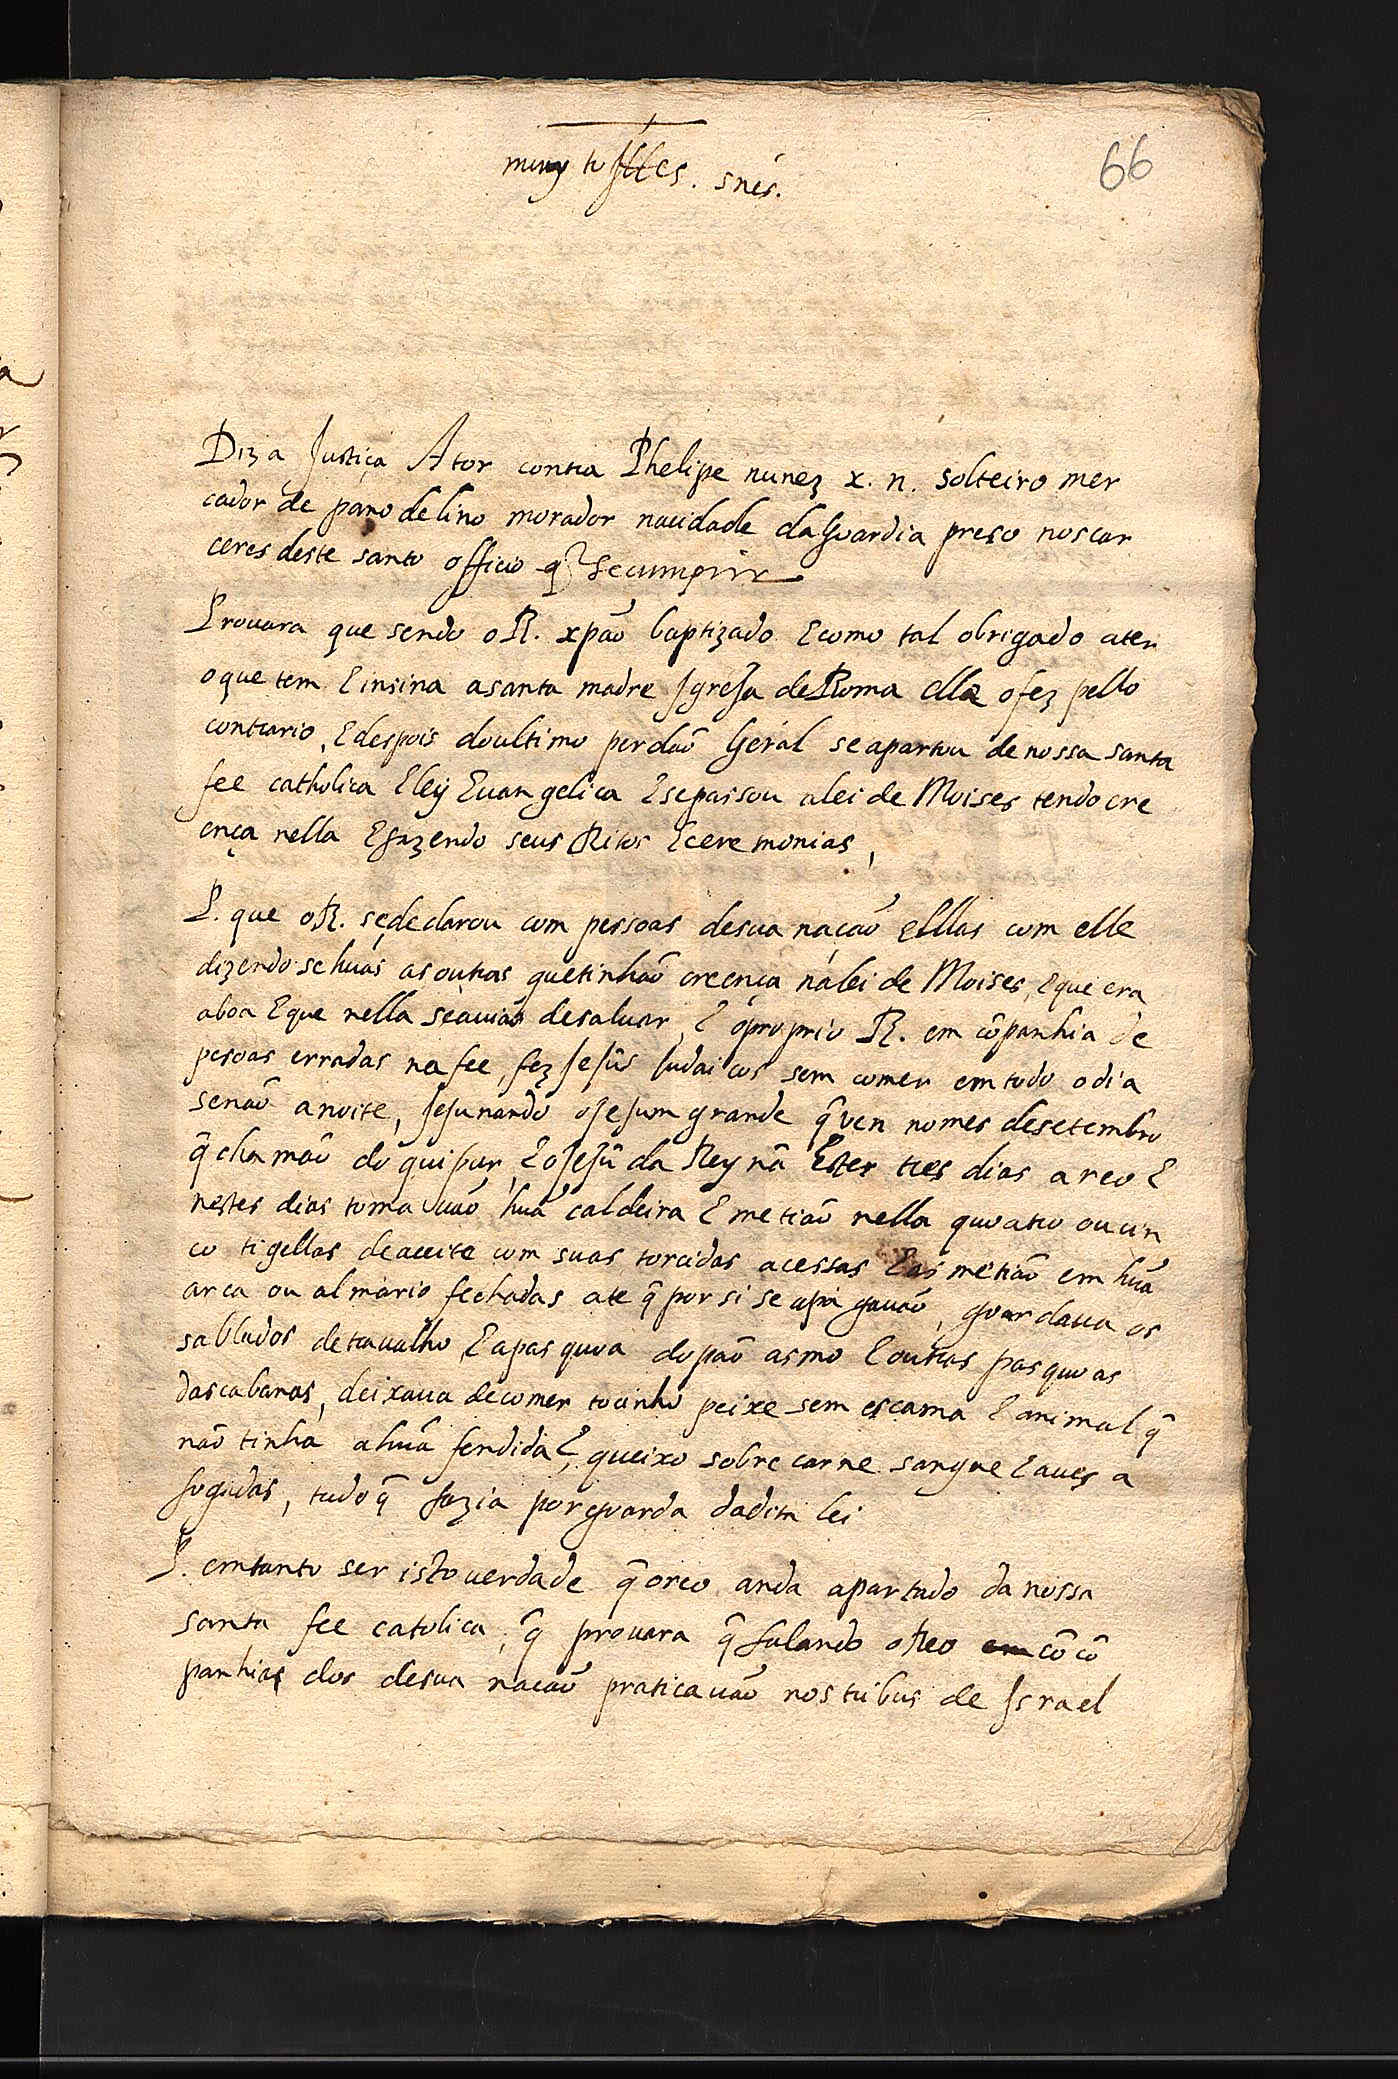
muyto Jlles. snes̄.
Diz a Justiça Ator contra Phelipe nunez x. n. solteiro mer
cador de pano de lino morador na cidade da Goardia preso nos car
ceres deste santo officio q̄ se cumprir
Prouara que sendo o R. xpão baptizado E como tal obrigado a ter
o que tem E insina a santa madre JgreJa de Roma elle o fez pello
contrario, E despois do ultimo perdaõ Geral se apartou de nossa santa
fee catholica E ley Euangelica E se passou a lei de Moises tendo cre
ença nella E fazendo seus Ritos E ceremonias
P. que o R. se declarou com pessoas de sua naçaõ E Ellas com elle
dizendo se huās as outras que tinhaõ creença na lei de Moises, E que era
a boa E que nella se auiaõ de saluar, E o proprio R. em cōpanhia de
pesoas erradas na fee, fez JeJūs Judaicos sem comer em todo o dia
senāo a noite, Jejunando o JejJum grande q̄ ven no mes de setembro
q̄ chamaõ do quipur, E o JeJū da Reynā Ester tres dias a reo E
nestes dias toma uaõ huā caldeira E metiaõ nella quoatro on cin
co tigellas de aceite com suas torcidas acessas E as metiaõ em huā
arca ou almario fechadas ate q̄ por si se apagauaõ, goardaua os
sabbados de traualho, e E a pasquoa do paõ asmo E outras pasquoas
das cabanas, deixaua de comer tocinho peixe sem escama E animal q̄
naõ tinha a huā fendida E queixo sobre carne sangue E aues a
fogadas, tudo q̄ fazia por guarda da dita lei
P. em tanto ser isto uerdade q̄ o reo anda apartado da nossa
santa fee catolica; q̄ prouara q̄ falando o Reo em cō cō
panhias dos de sua nacaõ patricauaõ nos tribus de Jsrael
